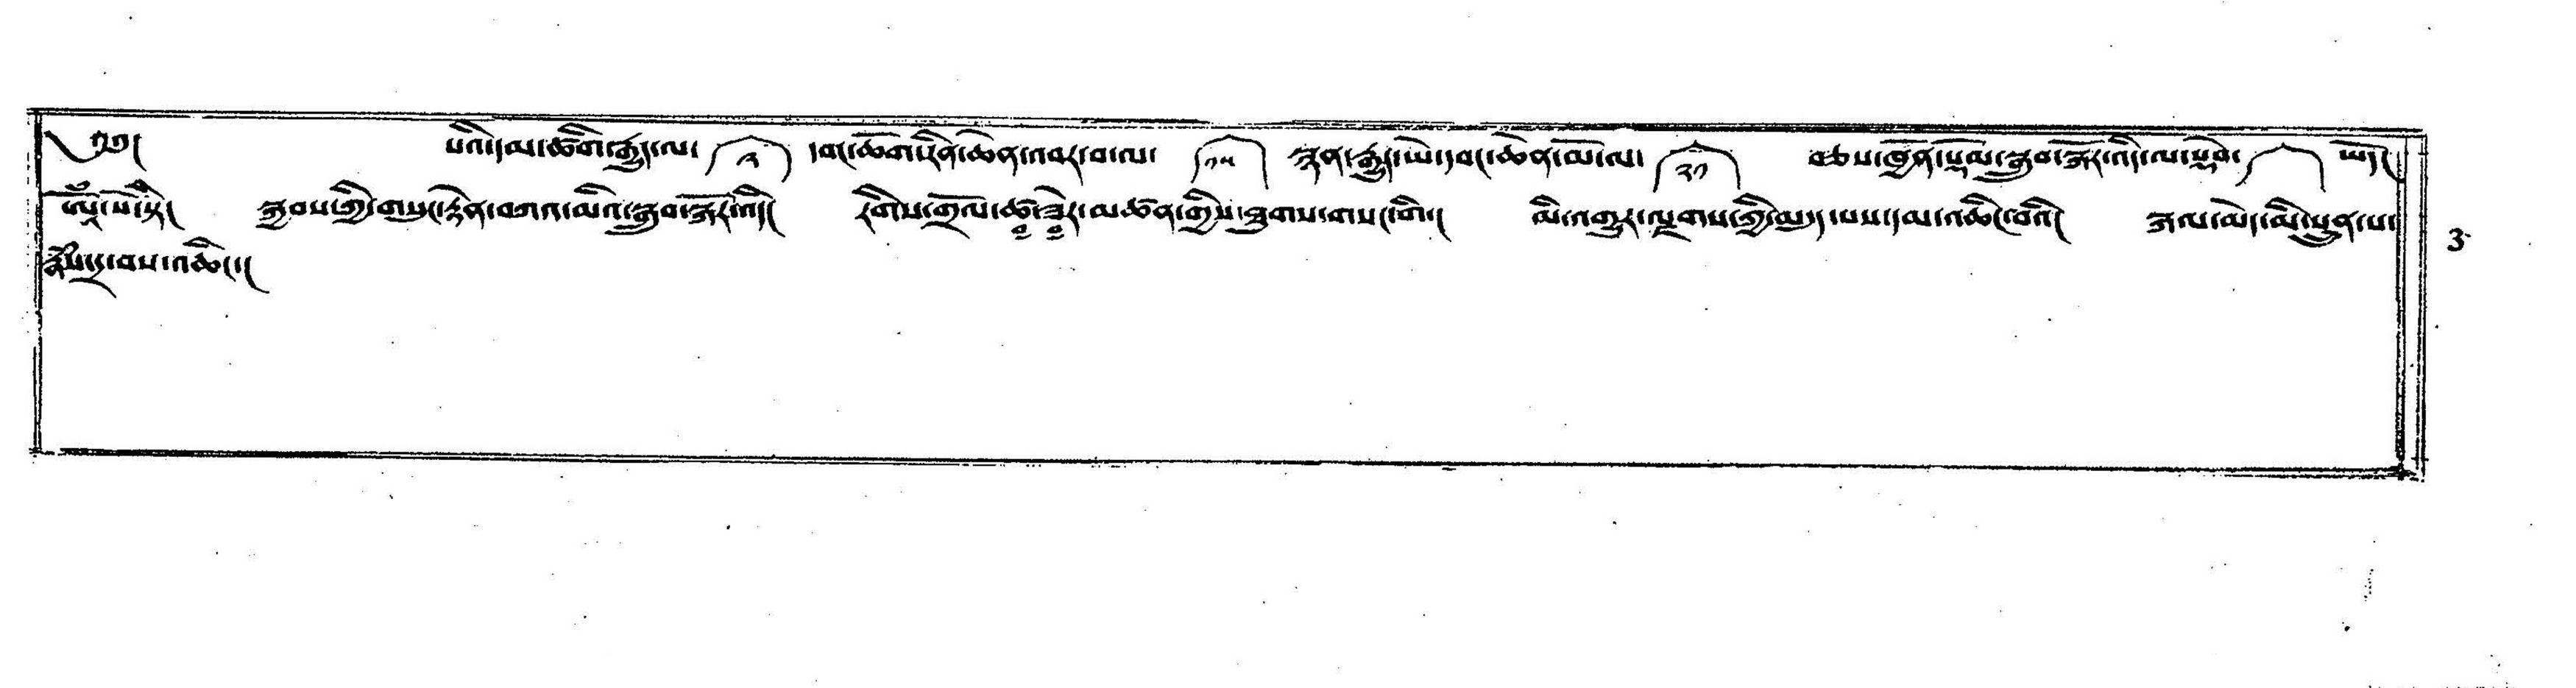པའི་དམ་ཚིག་རྒྱུད་ལ ༼༢༽ དག་ཆོག་རིན་ཆེན་འབར་བ་ལ། ༼༡༥༽ སྙན་རྒྱུད་ཡེ་དབང་ཆེན་མོ་ལ། ༼༢༡༽ བཅས་ཁྱོན་སྡོམ་སྒྲུབ་སྐོར་འདི་ལ་སྡེབ། ༼༽ [?]ཡོད་
ཨཱོཾ་པོ་སྟི། སྐྱབས་ཀྱི་གསུང་རྟེན་བཀའ་མའི་སྒྲུབ་སྐོར་འདི། རིགས་གྲོལ་ཚ༵་ཟེར༵་མཚན་གྱིས་ཐུགས་གསང་གི། མི་འགྱུར་ལྗགས་ཀྱི་མདུད་པས་དམ་འཆིང་བའི། སྐལ་མེད་མི་སྲུན་པ་
རྣམས་དྲ་བས་འཆིང་།